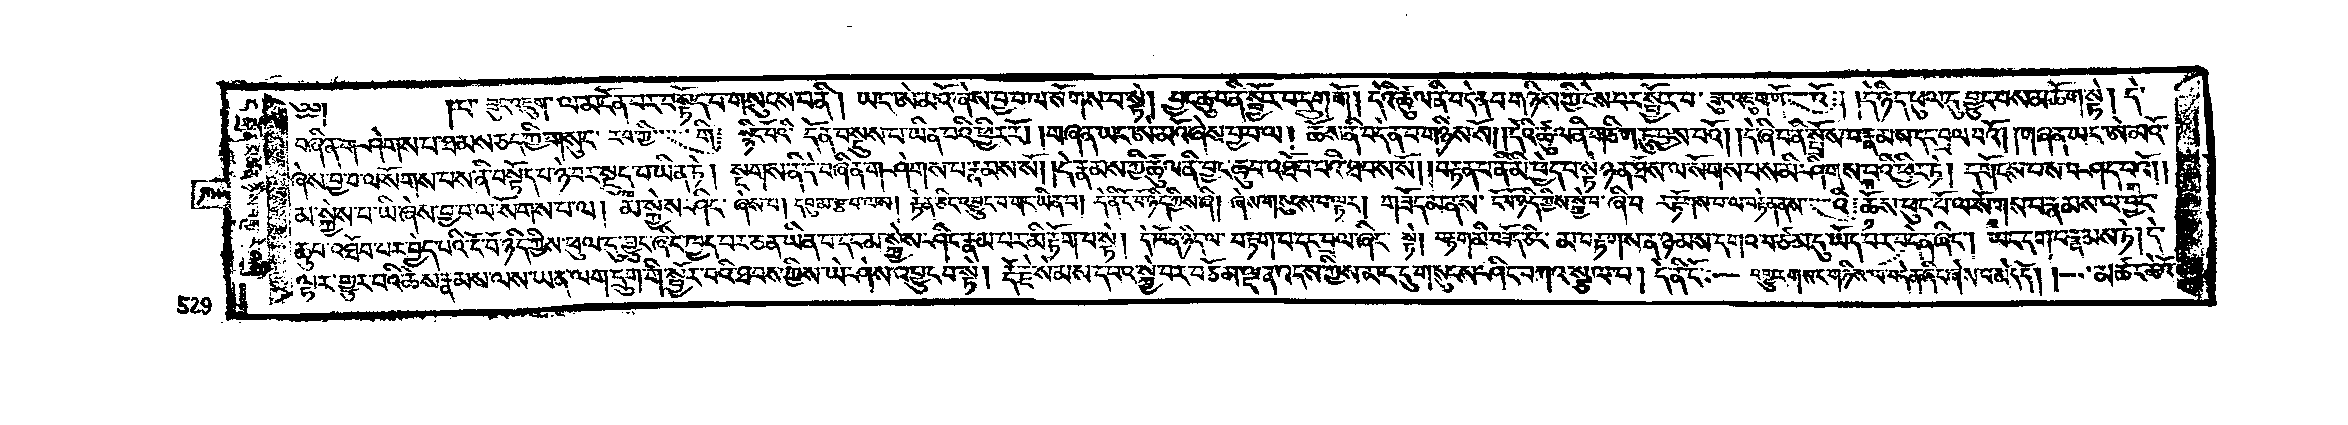༄༅། །པ་ཟུང་འཇུག་ལ་མངོན་པར་བསྟོད་པ་གསུངས་པ་ནི། ཡང་ཨི་མའོ་ཞེས་བྱ་བ་ལ་སོགས་པ་སྟེ། བྱང་ཆུབ་ནི་སྦྱོར་བ་དྲུག་གོ །དེའི་ཚུལ་ནི་བདེན་པ་གཉིས་ཀྱི་ངེས་པར་སྦྱོར་བ་ཟུང་འཇུག་གོའོ། །དེ་ཉིད་ཕུལ་དུ་བྱུང་བས་མཆོག་སྟེ། དེ་
བཞིན་གཤེགས་པ་ཐམས་ཅད་ཀྱི་གསུང་རབ་ཀྱི་གི་སྙིང་པོའི་དོན་བསྡུས་པ་ཡིན་པའི་ཕྱིར་རོ། །གཞན་ཡང་ཨེ་མའོ་ཞེས་བྱ་བ་ལ། ཆོས་ནི་བདེན་པ་གཉིས་སོ། །དེའི་ཚུལ་ནི་གཅིག་ཏུ་བྱས་པའོ། །དེ་ཞི་བ་ནི་སྤྲོས་པ་རྣམས་དང་བྲལ་པའོ། །གཞན་ཡང་ཨེ་མའོ་
ཞེས་བྱ་བ་ལ་སོགས་པས་ནི་བསྟོད་པ་ཉེ་བར་སྡུད་པ་ཡིན་ཏེ། སྔགས་ནི་དེ་བཞིན་གཤེགས་པ་རྣམས་སོ། །དེ་རྣམས་ཀྱི་ཚུལ་ནི་བྱང་ཆུབ་འཐོབ་པའི་ཐབས་སོ། །བརྟན་པ་ནི་མི་ཕྱེད་པ་སྟེ་ཉན་ཐོས་ལ་སོགས་པས་མི་ཤིགས་པའི་ཕྱིར་ཏེ། དགོངས་པས་བཤད་པའོ།།
མ་སྐྱེས་པ་ཡི་ཞེས་བྱ་བ་ལ་སོགས་པ་ལ། མ་སྐྱེས་ཤིང་ཞེ་པ། དབུ་མ་རྩ་བ་ལས། རྟེན་ཅིང་འབྱུང་བ་གང་ཡིན་པ། དེ་ནི་ངོ་བོ་ཉིད་ཀྱིས་ཞི། ཞེས་གསུངས་པ་ལྟར། གཟོད་མ་ནས་ངོ་བོ་ཉིད་ཀྱིས་སྐྱེ་བ་ཞི་བར་རྟོགས་པ་ལ་བརྟེན་ནས་འི་ཆོས་ཕུང་པོ་ལ་སོགས་པ་རྣམས་ལ་བྱང་
ཆུབ་འཐོབ་པར་བྱེད་པའི་ངོ་བོ་ཉིད་ཀྱིས་ཕུལ་དུ་བྱུང་ཞིང་ཁྱད་པར་ཅན་ཡིན་པ་དང་མ་སྐྱེས་ཤིང་རྣམ་པར་མི་རྟོག་པ་སྟེ། དེ་ཁོ་ན་ཉིད་ལ་བརྟག་པ་དང་བྲལ་ཞིང་སྟེ། བརྟག་མི་བཟོད་ཅིང་མ་བརྟགས་ན་ཉམས་དགའ་བ་ཙམ་དུ་ཡོད་པར་བདེན་ཞིང་། ཡང་དག་པ་རྣམས་ཏེ། དེ་
ལྟར་གྱུར་པའི་ཆོས་རྣམས་ལ་ཡན་ལག་དྲུག་གི་སྦྱོར་བའི་ཐབས་ཀྱིས་ཡེ་ཤེས་འབྱུང་བ་སྟེ། རྡོ་རྗེ་སེམས་དཔའ་སྐྱེ་བར་བཅོམ་ལྡན་འདས་ཀྱིས་མང་དུ་གསུངས་ཤིང་བཀའ་སྩལ་པ། དེ་ནི་ངོཿ་འགྱུར་གསར་གཉིས་ལ་བདེན་ཞིང་ཞེས་པ་མེད་དོ། །  .Hམཚར་ཆེའོ་